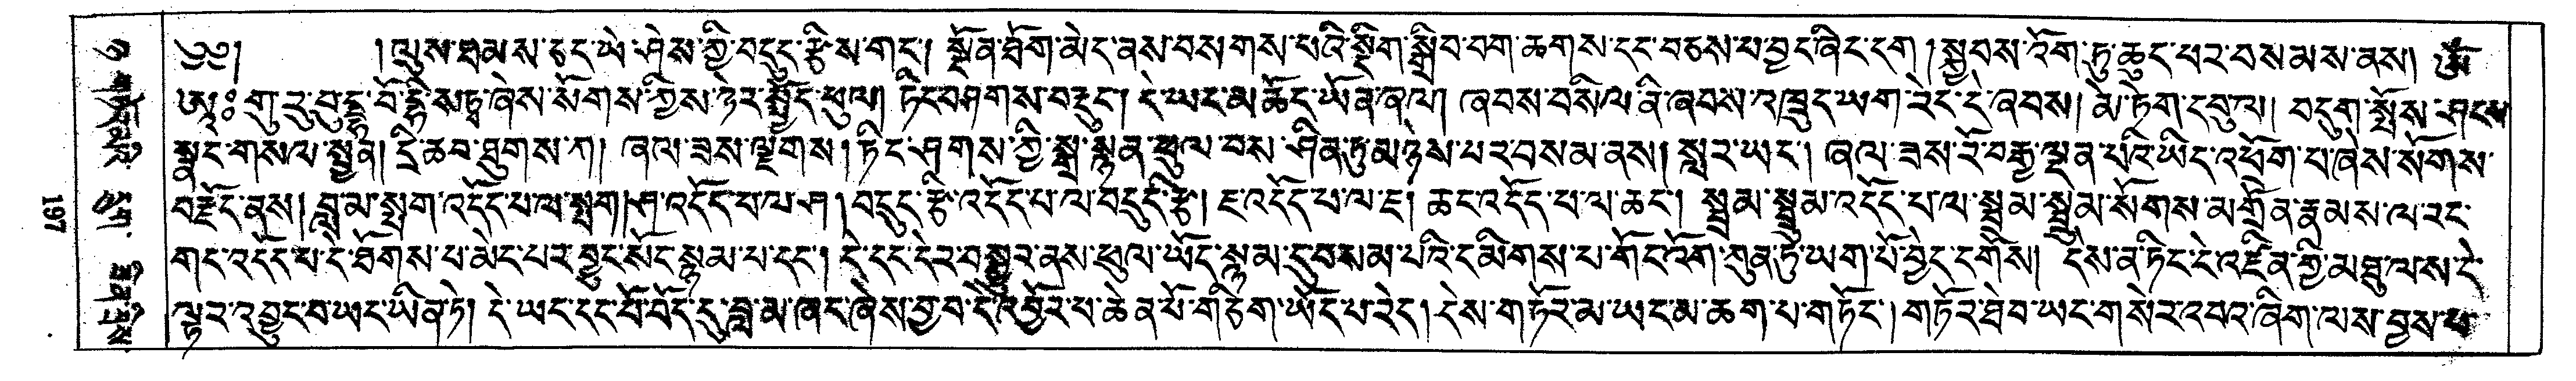༄༅། །ལུས་ཐམས་ཅད་ཡེ་ཤེས་ཀྱི་བདུད་རྩིས་གང་། སྔོན་ཐོག་མེད་ནས་བསགས་པའི་སྡིག་སྒྲིབ་བག་ཆགས་དང་བཅས་པ་བྱང་ཞིང་དག །སྐྱབས་འོག་ཏུ་ཆུད་པར་བསམས་ནས། ཨོཾ་
ཨཱཿགུ་རུ་བུདྡྷ་བོ་དྷི་སཏྭ་ཞེས་སོགས་ཀྱིས་ཉེར་སྤྱོད་ཕུལ། ཏིང་བཤགས་བརྡུང་། དེ་ཡང་མཆོད་ཡོན་ཞལ། ཞབས་བསིལ་ནི་ཞབས་འཁྲུད་ཡག་རེང་དེ་ཞབས། མེ་ཏོག་དབུ་ལ། བདུག་སྤོས་ཤངས་
སྣང་གསལ་སྤྱན། དྲི་ཆབ་ཐུགས་ཀ། ཞལ་ཟས་ལྗགས། ཏིང་ཤགས་ཀྱི་སྒྲ་སྙན་ཕུལ་བས་ཤིན་ཏུ་མཉེས་པར་བསམ་ནས། སླར་ཡང་། ཞལ་ཟས་རོ་བརྒྱ་ལྡན་པའི་ཡིད་འཕྲོག་པ་ཞེས་སོགས་
བརྗོད་ནས། བླ་མ་སྤག་འདོད་པ་ལ་སྤག། ཤ་འདོད་པ་ལ་ཤ། བདུད་རྩི་འདོད་པ་ལ་བདུད་རྩི། ཇ་འདོད་པ་ལ་ཇ། ཆང་འདོད་པ་ལ་ཆང་། སྦྲམ་སྦྲུམ་འདོད་པ་ལ་སྦྲམ་སྦྲུམ་སོགས་མགྲོན་རྣམས་ལ་རང་
གང་འདོད་པ་དེ་ཐོགས་པ་མེད་པར་བྱུང་སོང་སྙམ་པ་དང་། དེ་དང་དེར་བསྒྱུར་ནས་ཕུལ་ཡོད་སྙམ་དུ་བསམ་པའི་དམིགས་པ་གོང་འོག་ཀུན་ཏུ་ཡག་པོ་བྱེད་དགོས། དེས་ན་ཏིང་ངེ་འཛིན་གྱི་མཐུ་ལས་དེ་
ལྟར་འབྱུང་བ་ཡང་ཡིན་ཏེ། དེ་ཡང་དང་པོ་བོད་དུ་བླ་མ་ཞང་ཞེས་བྱ་བ་དེ་འབྱོར་པ་ཆེན་པོ་གཅིག་ཡོད་པ་རེད། དེས་གཏོར་མ་ཡང་མ་ཆག་པ་གཏོང་། གཏོར་ཐེབ་ཡང་གསེར་འབའ་ཞིག་ལས་བྱས་པ་